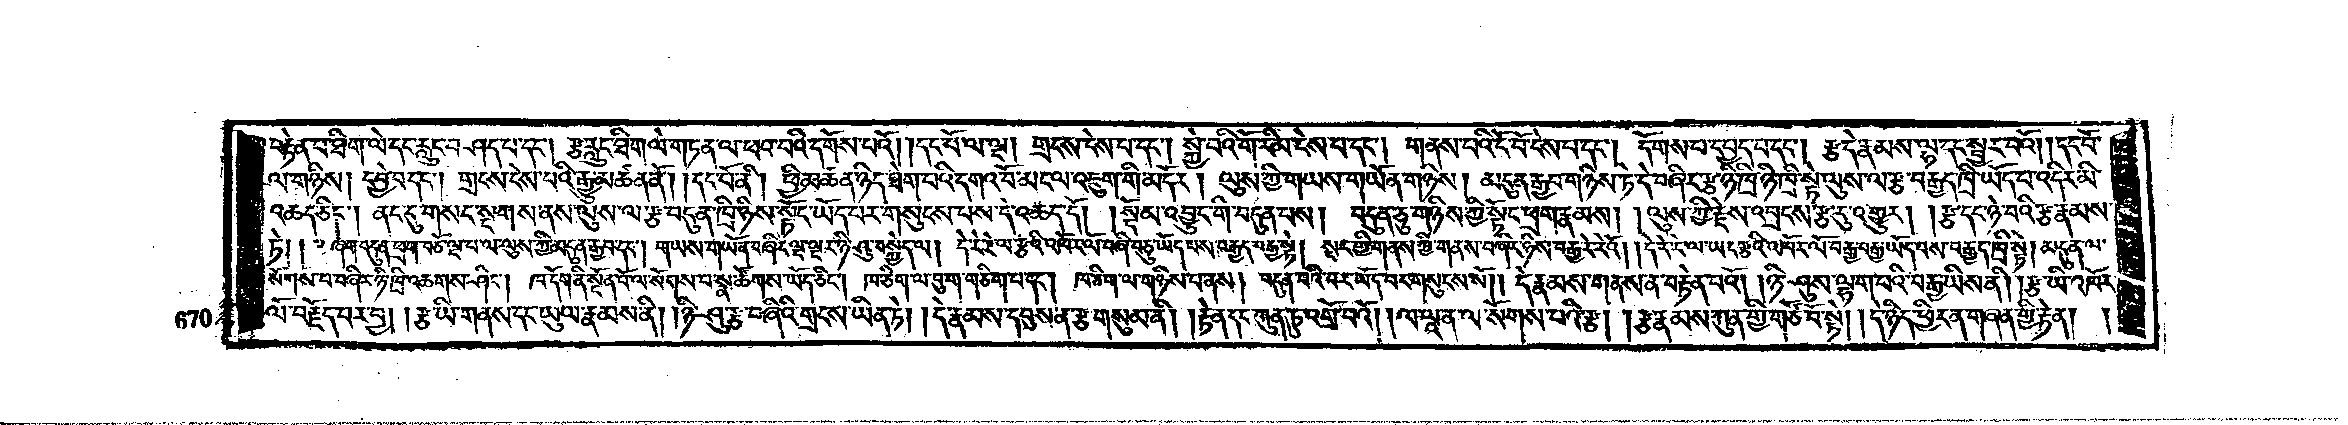བརྟེན་པ་ཐིག་ལེ་དང་རླུང་བཤད་པ་དང་། རྩ་རླུང་ཐིག་ལེ་གཏན་ལ་ཕབ་པའི་དགོས་པའོ། །དང་པོ་ལ་ལྔ། གྲངས་ངེས་པ་དང་། སྐྱེ་བའི་གོ་རིམ་ངེས་པ་དང་། གནས་པའི་ངོ་བོ་ངེས་པ་དང་། དོགས་པ་དཔྱད་པ་དང་། རྩ་དེ་རྣམས་ལྷ་དང་སྦྱར་བའོ། །དང་པོ་
ལ་གཉིས། དབྱེ་བ་དང་། གྲངས་ངེས་པའི་རྒྱུ་མཚན་ནོ། །དང་པོ་ནི། ཕྱི་མཚན་ཉིད་ཐེག་པའི་དགའ་བོ་མངལ་འཇུག་གི་མདོར། ལུས་ཀྱི་གཡས་གཡོན་གཉིས། མདུན་རྒྱབ་གཉིས་ཏེ་དེ་བཞིར་རྩ་ཉི་ཁྲི་ཉི་ཁྲི་སྟེ་ལུས་ལ་རྩ་བརྒྱད་ཁྲི་ཡོད་པ་འདིར་མི་
འཆད་ཅིང་། ནང་དུ་གསང་སྔགས་ནས་ལུས་ལ་རྩ་བདུན་ཁྲི་ཉིས་སྟོང་ཡོད་པར་གསུངས་པས་དེ་འཆད་དོ། །སྡོམ་འབྱུང་གི་བདུན་པས། བདུན་ཅུ་གཉིས་ཀྱི་སྟོང་ཕྲག་རྣམས། །ལུས་ཀྱི་རྗེས་འབྲངས་རྩ་རུ་འགྱུར། །རྩ་དང་ཉེ་བའི་རྩ་རྣམས་
ཏེ། །~་ཞག་བདུན་ཕྲག་བཅོ་ལྔ་པ་ལ་ལུས་ཀྱི་མདུན་རྒྱབ་དང་། གཡས་གཡོན་བཞིར་ལྔ་ལྔར་ཉི་ཤུ་བསྐྱེད་ལ། དེ་རེ་རེ་ལ་རྩའི་འཁོར་ལོ་བཞི་བཅུ་ཡོད་པས་བརྒྱད་བརྒྱ་སྟེ། སྔར་གྱི་གནས་ཀྱི་གནས་བཞིར་ཉིས་བརྒྱ་རེ་རེའོ། །དེ་རེ་རེ་ལ་ཡང་རྩའི་འཁོར་ལོ་བརྒྱ་བརྒྱ་ཡོད་པས་བརྒྱད་ཁྲི་སྟེ། མདུན་ལ་
སོགས་པ་བཞིར་ཉི་ཁྲི་འཆགས་ཤིང་། ཁ་དོག་ནི་སྔོན་པོ་ལ་སོགས་པ་སྣ་ཚོགས་ཡོད་ཅིང་། ཁ་ཅིག་ལ་བུག་གཅག་པ་དང་། ཁ་ཅིག་ལ་གཉིས་པ་ནས། བདུན་པའི་བར་ཡོད་པར་གསུངས་སོ། །དེ་རྣམས་གནས་ན་བརྟེན་པའོ། །ཉི་ཤུས་ལྷག་པའི་བརྒྱ་ཡིས་ནི། །རྩ་ཡི་འཁོར་
ལོ་བརྗོད་པར་བྱ། །རྩ་ཡི་གནས་དང་ཡུལ་རྣམས་ནི། །ཉི་ཤུ་རྩ་བཞིའི་གྲངས་ཡིན་ཏེ། །དེ་རྣམས་དབུས་ན་རྩ་གསུམ་ནི། །རྟེན་དང་ཀུན་ཏུ་འགྲོ་བའོ། །ལ་ལཱ་ན་ལ་སོགས་པའི་རྩ། །རྩ་རྣམས་ཀུན་གྱི་གཙོ་བོ་སྟེ། །དེ་ཉིད་ཕྱིར་ན་གཞན་གྱི་རྟེན། །